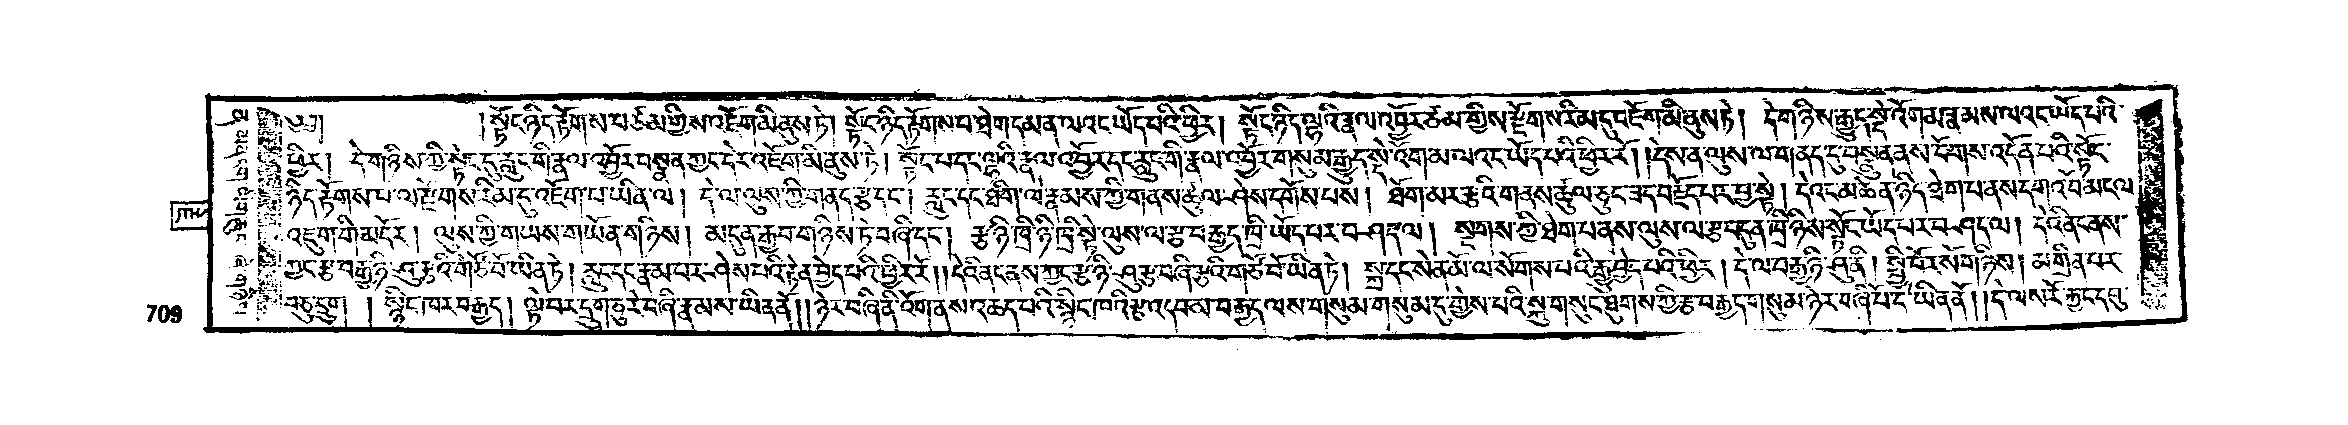༄༅། །སྟོང་ཉིད་རྟོགས་པ་ཙམ་གྱིས་འཇོག་མི་ནུས་ཏེ། སྟོང་ཉིད་རྟོགས་པ་ཐེག་དམན་ལའང་ཡོད་པའི་ཕྱིར། སྟོང་ཉིད་ལྷའི་རྣལ་འབྱོར་ཙམ་གྱིས་རྫོགས་རིམ་དུ་འཇོག་མི་ནུས་ཏེ། དེ་གཉིས་རྒྱུད་སྡེ་འོག་མ་རྣམས་ལའང་ཡོད་པའི་
ཕྱིར། དེ་གཉིས་ཀྱི་སྟེང་དུ་རླུང་གི་རྣལ་འབྱོར་བསྣན་ཀྱང་དེར་འཇོག་མི་ནུས་ཏེ། སྟོང་པ་དང་ལྷའི་རྣལ་འབྱོར་དང་རླུང་གི་རྣལ་འབྱོར་གསུམ་རྒྱུད་སྡེ་འོག་མ་ལའང་ཡོད་པའི་ཕྱིར་རོ། །དེས་ན་ལུས་ལ་གནད་དུ་བསྣུན་ནས་བོགས་འདོན་པའི་སྟོང་
ཉིད་རྟོགས་པ་ལ་རྫོགས་རིམ་དུ་འཇོག་པ་ཡིན་ལ། དེ་ལ་ལུས་ཀྱི་གནད་རྩ་དང་། རླུང་དང་ཐིག་ལེ་རྣམས་ཀྱི་གནས་ཚུལ་ཤེས་དགོས་པས། ཐོག་མར་རྩའི་གནས་ཚུལ་ཅུང་ཟད་བརྗོད་པར་བྱ་སྟེ། དེའང་མཚན་ཉིད་ཐེག་པ་ནས་དགའ་བོ་མངལ་
འཇུག་གི་མདོར། ལུས་ཀྱི་གཡས་གཡོན་གཉིས། མདུན་རྒྱབ་གཉིས་ཏེ་བཞི་དང་། རྩ་ཉི་ཁྲི་ཉི་ཁྲི་སྟེ་ལུས་ལ་རྩ་བརྒྱད་ཁྲི་ཡོད་པར་བཤད་ལ། སྔགས་ཀྱི་ཐེག་པ་ནས་ལུས་ལ་རྩ་བདུན་ཁྲི་ཉིས་སྟོང་ཡོད་པར་བཤད་ལ། དེའི་ནང་ནས་
ཀྱང་རྩ་བརྒྱ་ཉི་ཤུ་རྩའི་གཙོ་བོ་ཡིན་ཏེ། རླུང་དང་རྣམ་པར་ཤེས་པའི་རྟེན་བྱེད་པའི་ཕྱིར་རོ། །དེའི་ནང་ནས་ཀྱང་རྩ་ཉི་ཤུ་རྩ་བཞི་རྩའི་གཙོ་བོ་ཡིན་ཏེ། སྐྲ་དང་སེན་མོ་ལ་སོགས་པའི་རྒྱུ་བྱེད་པའི་ཕྱིར། དེ་ལ་བརྒྱ་ཉི་ཤུ་ནི། སྤྱི་བོར་སོ་གཉིས། མགྲིན་པར་
བཅུ་དྲུག །སྙིང་ཁར་བརྒྱད། ལྟེ་བར་དྲུག་ཅུ་རེ་བཞི་རྣམས་ཡིན་ནོ། །ཉེར་བཞི་ནི་འོག་ནས་འཆད་པའི་སྙིང་ཁའི་རྩ་འདབ་མ་བརྒྱད་ལས་གསུམ་གསུམ་དུ་གྱེས་པའི་སྐུ་གསུང་ཐུགས་ཀྱི་རྩ་བརྒྱད་གསུམ་ཉེར་བཞི་པོ་དེ་ཡིན་ནོ། །དེ་ལས་རོ་རྐྱང་དབུ་